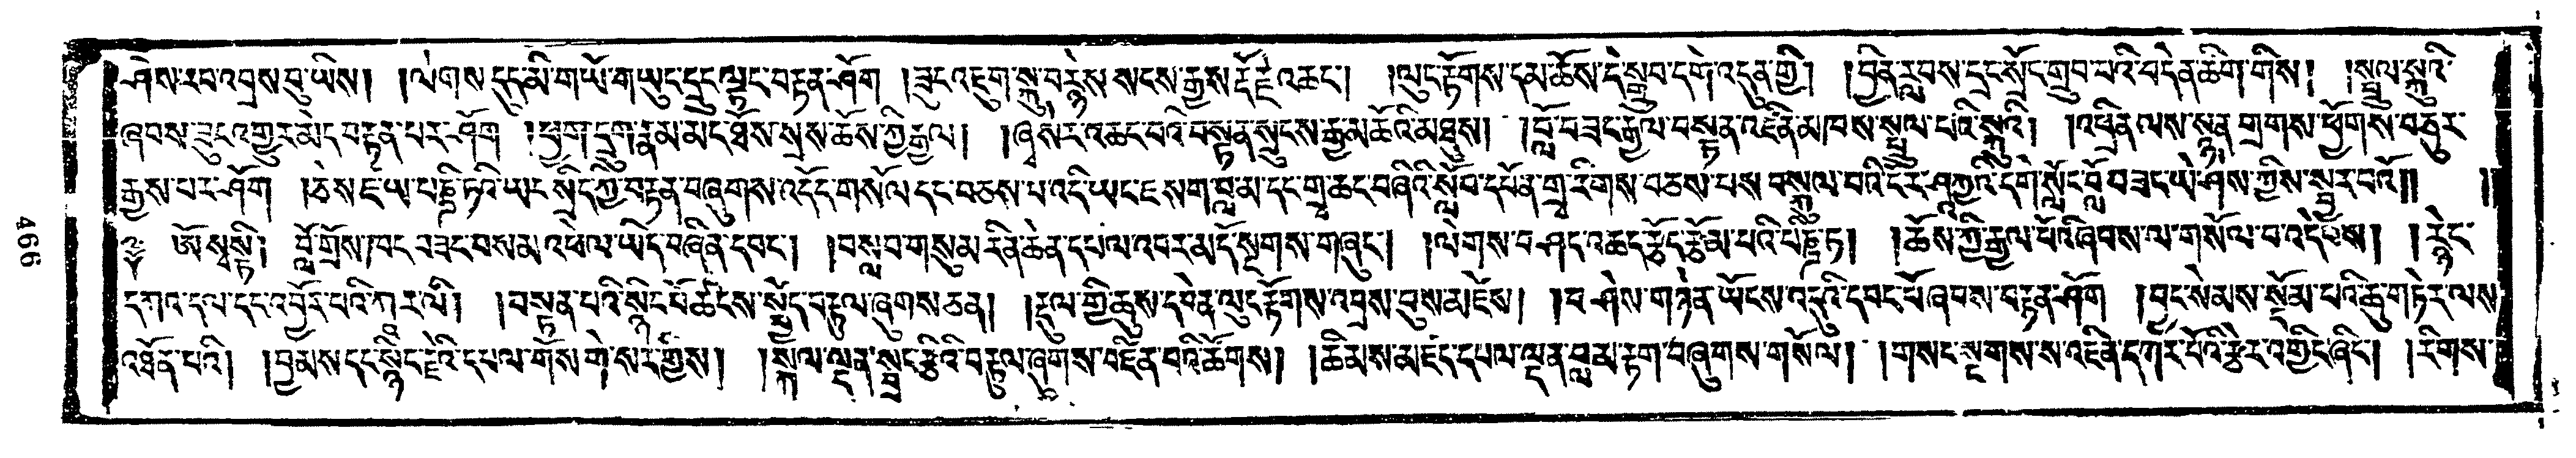ཤེས་རབ་འབྲས་བུ་ཡིས། །ལེགས་དུད་མི་གཡོ་གཡུང་དྲུང་ལྟང་བརྟན་ཤོག །ཟུང་འཇུག་སྐུ་བརྙེས་སངས་རྒྱས་རྡོ་རྗེ་འཆང་། །ལུང་རྟོགས་དམ་ཆོས་དེ་སྒྲུབ་དགེ་འདུན་གྱི། །བྱིན་རླབས་དྲང་སྲོང་གྲུབ་པའི་བདེན་ཚིག་གིས། །སྤྲུལ་སྐུའི་
ཞབས་ཟུང་འགྱུར་མེད་བརྟན་པར་ཤོག །ཕྱག་དྲུག་རྣམ་མང་ཐོས་སྲས་ཆོས་ཀྱི་རྒྱལ། །ཞྭ་སེར་འཆང་བའི་བསྟན་སྲུངས་རྒྱ་མཚོའི་མཐུས། །བློ་བཟང་རྒྱལ་བསྟན་འཛིན་མཁས་སྤྲུལ་པའི་སྐུའི། །འཕྲིན་ལས་སྙན་གྲགས་ཕྱོགས་བཅུར་
རྒྱས་པར་ཤོག །ཅེས་ཛ་ཡ་པཎྜི་ཏའི་ཡང་སྲིད་ཀྱི་བརྟན་བཞུགས་འདོད་གསོལ་དང་བཅས་པ་འདི་ཡང་ཇ་སག་བླ་མ་དང་གྲྭ་ཆང་བཞིའི་སློབ་དཔོན་གྲྭ་རིགས་བཅས་པས་བསྐུལ་བའི་ངོར་ཤཱཀྱའི་དགེ་སློང་བློ་བཟང་ཡེ་ཤེས་ཀྱིས་སྦྱར་བའོ།། །།
༈ ཨོ་སྭྶྟི། བློ་གྲོས་ཁང་བཟང་བསམ་འཕེལ་ཡིད་བཞིན་དབང་། །བསླབ་གསུམ་རིན་ཆེན་དཔལ་འབར་མདོ་སྔགས་གཞུང་། །ལེགས་བཤད་འཆད་རྩོད་རྩོམ་པའི་པིཎྜ་ཏ། །ཆོས་ཀྱི་རྒྱལ་པོའི་ཞབས་ལ་གསོལ་བ་འདེབས། །རྙེང་
དཀའ་དལ་ངང་འབྱོར་པའི་ཀཱ་ར་ལི། །བསྟན་པའི་སྙིང་པོ་ཚངས་སྤྱོད་བརྟུལ་ཞུགས་ཅན། །རྡུལ་གྱི་ཆུས་དབེན་ལུང་རྟོགས་འབྲས་བུས་མཛེས། །བཤེས་གཉེན་ཡོངས་འདུའི་དབང་པོ་ཞབས་བརྟན་ཤོག །བྱང་སེམས་སྡོམ་པའི་ཆུ་གཏེར་ལས་
འཐོན་པའི། །བྱམས་དང་སྙིང་རྗེའི་དཔལ་གོས་གེ་སར་གྱིས། །སྐལ་ལྡན་སྦྲང་རྩིའི་བརྟུལ་ཞུགས་འཛིན་བའི་ཚོགས། །ཚིམས་མཛད་དཔལ་ལྡན་བླ་མ་རྟག་བཞུགས་གསོལ། །གསང་སྔགས་ས་འཛིན་དཀར་པོའི་རྩེར་འགྱིང་ཞིང་། །རིགས་